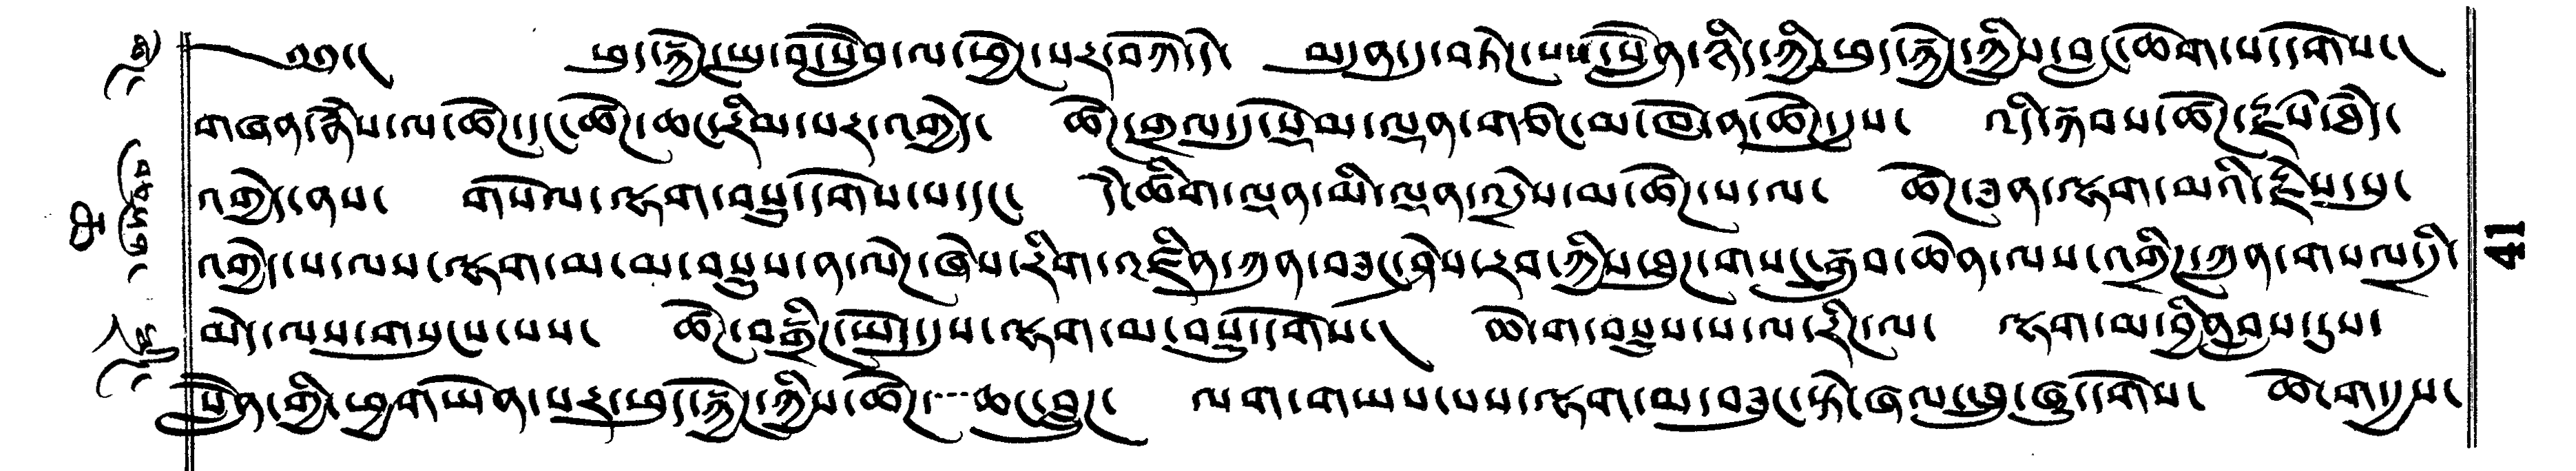ཕུད་སྐྱོགས་ཀྱི་ཡུ་བ་སློབ་དཔོན་ལ་ཕྱོགས་པར་བཀོད་དེ། མདུན་དུ་བཏེགས་པས་སློབ་དཔོན་ཉིད་ཀྱིས་ཕུད་སྐྱོགས་ཀྱིས་བླང་ཆོག་པ་དགོས། 
གཞན་རྣམས་ལ་ཚོགས་དང་ཚོགས་ཆང་རིམ་པར་འགྱེད། ཚོགས་གྲལ་དུ་སྡོམ་ལྡན་གཙང་མ་ཁོ་ན་ཚོགས་དུས། འདི་སྐབས་ཚོགས་རྫས་ཐམས་ཅད་
འགྱེད་ནས། གསོལ་ལྷག་བསྡུ་དགོས་པ་དང་། དམ་ཚིག་ལྡན་མི་ལྡན་འདྲེས་མ་ཚོགས་པ་ལ། ཚོགས་ཟན་ལྷག་མའི་རྗེས་སུ་
འགྱེད་པ་ལས་ལྷག་མ་མ་བསྡུས་ན་ལེགས་ཞེས་རིག་འཛིན་ཀུན་བཟང་ཤེས་རབ་ཀྱིས་ཐུགས་གསང་སྒྲུབ་ཆེན་ལས་འགྲིགས་ཀུན་གསལ་དྲི་
མེད་ལས་གསུངས་པས། ཚོགས་བསྒྲིགས་ཡོད་དུས་ལྷག་མ་བསྡུ་དགོས། ཆོ་ག་བསྡུས་པའི་ལ་རིགས་ལ། ལྷག་མ་བྱིན་རླབས་དུས་
སློབ་དཔོན་གྱི་ཕྱག་གཡོན་པར་ཕུད་སྐྱོགས་ཀྱིས་ཚོགས་ཆང་བླུགས། ལག་གཡས་པས་ལྷག་མ་བཟུང་སྟེ་ཞལ་ཕྲུ་ཞུ་དགོས། ཆོ་ག་རྒྱས་